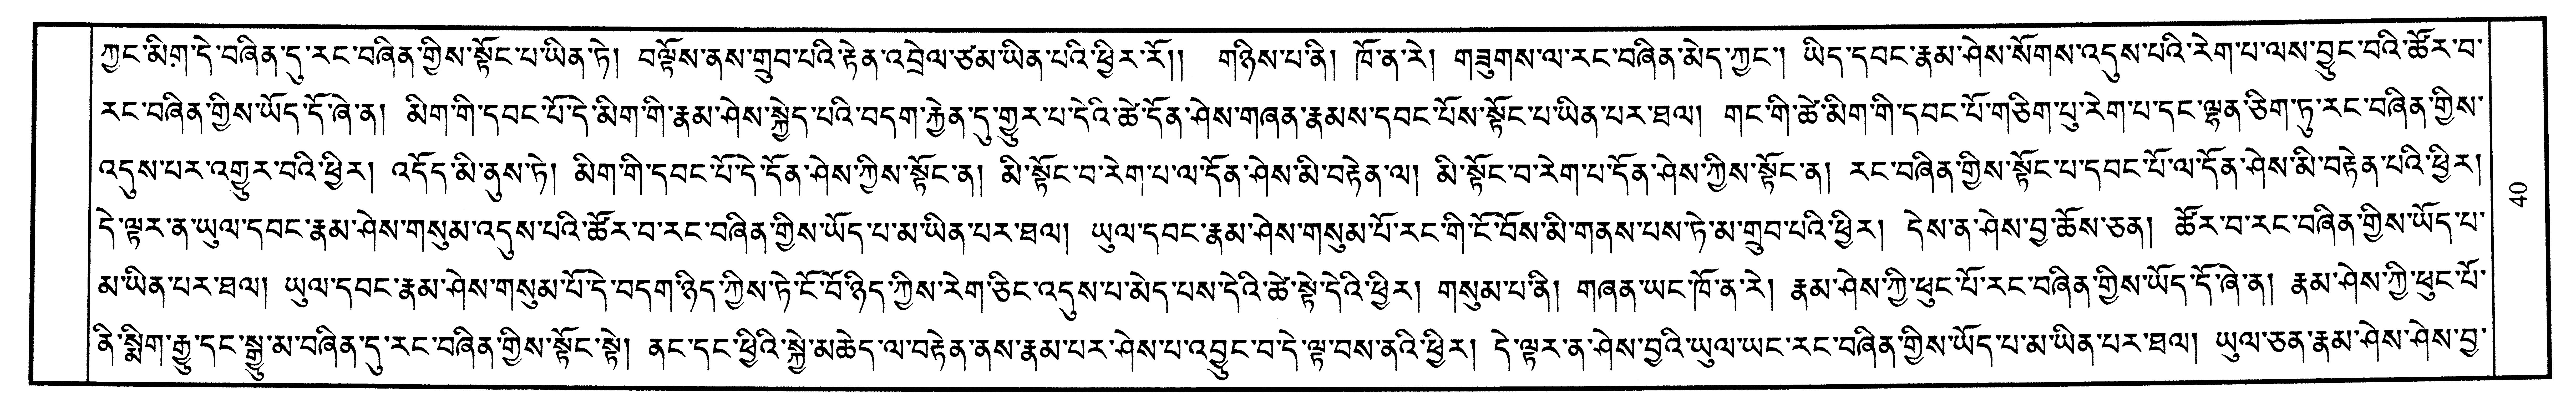ཀྱང་མིག་དེ་བཞིན་དུ་རང་བཞིན་གྱིས་སྟོང་པ་ཡིན་ཏེ། བལྟོས་ནས་གྲུབ་པའི་རྟེན་འབྲེལ་ཙམ་ཡིན་པའི་ཕྱིར་རོ། །གཉིས་པ་ནི། ཁོ་ན་རེ། གཟུགས་ལ་རང་བཞིན་མེད་ཀྱང་། ཡིད་དབང་རྣམ་ཤེས་སོགས་འདུས་པའི་རེག་པ་ལས་བྱུང་བའི་ཚོར་བ་
རང་བཞིན་གྱིས་ཡོད་དོ་ཞེ་ན། མིག་གི་དབང་པོ་དེ་མིག་གི་རྣམ་ཤེས་སྐྱེད་པའི་བདག་རྐྱེན་དུ་གྱུར་པ་དེའི་ཚེ་དོན་ཤེས་གཞན་རྣམས་དབང་པོས་སྟོང་པ་ཡིན་པར་ཐལ། གང་གི་ཚེ་མིག་གི་དབང་པོ་གཅིག་པུ་རེག་པ་དང་ལྷན་ཅིག་ཏུ་རང་བཞིན་གྱིས་
འདུས་པར་འགྱུར་བའི་ཕྱིར། འདོད་མི་ནུས་ཏེ། མིག་གི་དབང་པོ་དེ་དོན་ཤེས་ཀྱིས་སྟོང་ན། མི་སྟོང་པ་རེག་པ་ལ་དོན་ཤེས་མི་བརྟེན་ལ། མི་སྟོང་པ་རེག་པ་དོན་ཤེས་ཀྱིས་སྟོང་ན། རང་བཞིན་གྱིས་སྟོང་པ་དབང་པོ་ལ་དོན་ཤེས་མི་བརྟེན་པའི་ཕྱིར།
དེ་ལྟར་ན་ཡུལ་དབང་རྣམ་ཤེས་གསུམ་འདུས་པའི་ཚོར་བ་རང་བཞིན་གྱིས་ཡོད་པ་མ་ཡིན་པར་ཐལ། ཡུལ་དབང་རྣམ་ཤེས་གསུམ་པོ་རང་གི་ངོ་བོས་མི་གནས་པས་ཏེ་མ་གྲུབ་པའི་ཕྱིར། དེས་ན་ཤེས་བྱ་ཆོས་ཅན། ཚོར་བ་རང་བཞིན་གྱིས་ཡོད་པ་
མ་ཡིན་པར་ཐལ། ཡུལ་དབང་རྣམ་ཤེས་གསུམ་པོ་དེ་བདག་ཉིད་ཀྱིས་ཏེ་ངོ་བོ་ཉིད་ཀྱིས་རེག་ཅིང་འདུས་པ་མེད་པས་དེའི་ཚེ་སྟེ་དེའི་ཕྱིར། གསུམ་པ་ནི། གཞན་ཡང་ཁོ་ན་རེ། རྣམ་ཤེས་ཀྱི་ཕུང་པོ་རང་བཞིན་གྱིས་ཡོད་དོ་ཞེ་ན། རྣམ་ཤེས་ཀྱི་ཕུང་པོ་
ནི་སྨིག་རྒྱུ་དང་སྒྱུ་མ་བཞིན་དུ་རང་བཞིན་གྱིས་སྟོང་སྟེ། ནང་དང་ཕྱིའི་སྐྱེ་མཆེད་ལ་བརྟེན་ནས་རྣམ་པར་ཤེས་པ་འབྱུང་བ་དེ་ལྟ་བས་ནའི་ཕྱིར། དེ་ལྟར་ན་ཤེས་བྱའི་ཡུལ་ཡང་རང་བཞིན་གྱིས་ཡོད་པ་མ་ཡིན་པར་ཐལ། ཡུལ་ཅན་རྣམ་ཤེས་ཤེས་བྱ་